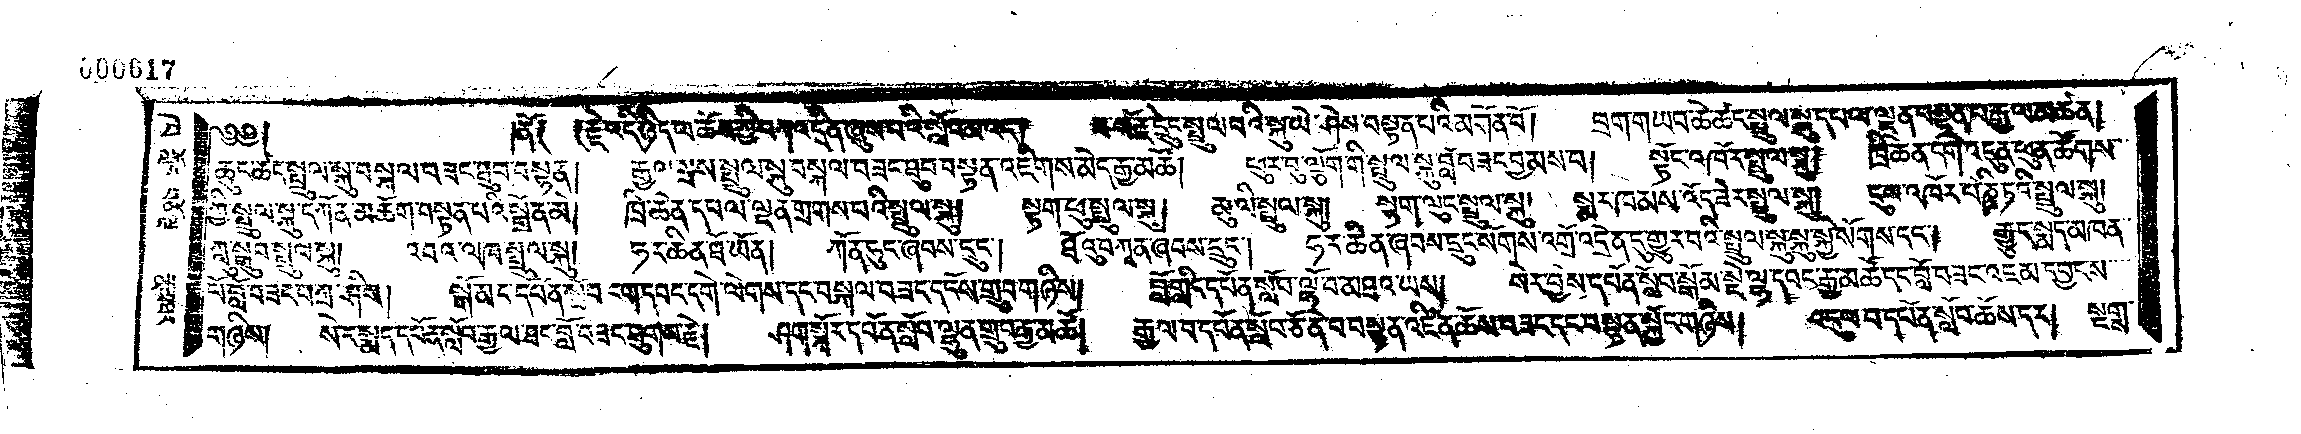༄༅། །ནོ༑ ༑རྗེ་འདི་ཉིད་ལ་ཆོས་ཀྱི་བཀའ་དྲིན་ཞུས་པའི་སློབ་མའང་། བ་སོ་རྗེ་དྲུང་སྤྲུལ་པའི་སྐུ་ཡེ་ཤེས་བསྟན་པའི་མགོན་པོ། བྲག་གཡབ་ཆེ་ཚང་སྤྲུལ་སྐུ་དཔལ་ལྡན་བསྟན་པ་རྒྱལ་མཚན།
ཆུང་ཚང་སྤྲུལ་སྐུ་བསྐལ་བཟང་ཐུབ་བསྟན། རྒྱལ་སྲས་སྤྲུལ་སྐུ་བསྐལ་བཟང་ཐུབ་བསྟན་འཇིགས་མེད་རྒྱ་མཚོ། ཕུར་བུ་ལྕོག་གི་སྤྲུལ་སྐུ་བློ་བཟང་བྱམས་པ། སྟོང་འཁོར་སྤྲུལ་སྐུ། ཁྲི་ཆེན་དགེ་འདུན་ཕུན་ཚོགས་
ཀྱི་སྤྲུལ་སྐུ་དཀོན་མཆོག་བསྟན་པའི་སྒྲོན་མ། ཁྲི་ཆེན་དཔལ་ལྡན་གྲགས་པའི་སྤྲུལ་སྐུ། སྟག་ཕུ་སྤྲུལ་སྐུ། མུ་ལི་སྤྲུལ་སྐུ། སྟག་ལུང་སྤྲུལ་སྐུ། སྨར་ཁམས་འོད་ཟེར་སྤྲུལ་སྐུ། དུས་འཁོར་པཎྜི་ཏའི་སྤྲུལ་སྐུ།
ཀླུ་སྒྲུབ་སྤྲུལ་སྐུ། འབའ་ལ་ཁ་སྤྲུལ་སྐུ། ཧར་ཆིན་ཐོ་ཡོན། ཀོན་ཏུང་ཞབས་དྲུང་། ཐོའུ་བཀྭན་ཞབས་དྲུང་། ཧར་ཆིན་ཞབས་དྲུང་སོགས་འགྲོ་འདྲེན་དུ་གྱུར་པའི་སྤྲུལ་སྐུ་སྐུ་སྐྱེ་སོགས་དང་། རྒྱུད་སྨད་མཁན་
པོ་བློ་བཟང་བཀྲ་ཤིས། སྒོ་མང་དཔོན་སློབ་ངག་དབང་དགེ་ལེགས་དང་བསྐལ་བཟང་དངོས་གྲུབ་གཉིས། བློ་གླིང་དཔོན་སློབ་ལྷོ་པ་མཐའ་ཡས། སེ་ར་བྱེས་དཔོན་སློབ་སྒོམ་སྡེ་ལྷ་དབང་རྒྱ་མཚོ་དང་བློ་བཟང་འཇམ་དབྱངས་
གཉིས། སེ་ར་སྨད་དཔོན་སློབ་རྒྱལ་ཐང་བློ་བཟང་ཐུགས་རྗེ། ཤག་སྐོར་དཔོན་སློབ་ལྷུན་གྲུབ་རྒྱ་མཚོ། རྒྱལ་བ་དཔོན་སློབ་ཅོ་ནེ་པ་བསྟན་འཛིན་ཆོས་བཟང་དང་བསྟན་སྐྱོང་གཉིས། འདུལ་བ་དཔོན་སློབ་ཆོས་དང་། སྔགས་